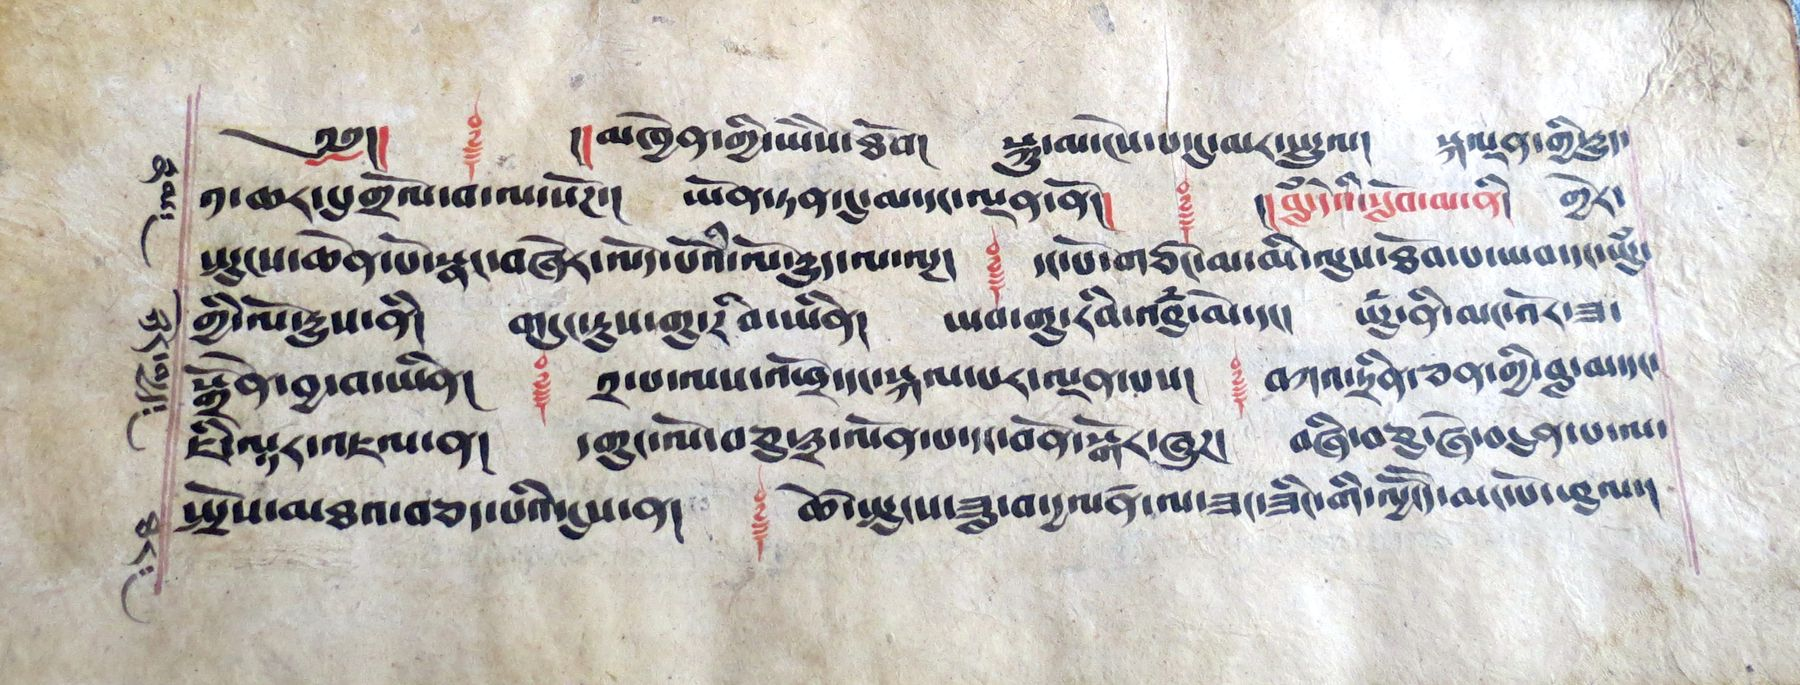མཁྱེན་གྱི་ཡེ་ཤེས་ཐོབ། སྐུ་མ་ངེས་པ་དུ་མར་སྤྲུལ། སྐལ་ལྡན་གྱི་རྒྱུད་
ཅིག་ཆར་དུ་གྲོལ་བ་ལགས་སོ། ཡོན་ཏན་དུ་མ་དང་ལྡན་ནོ། ། བླ་མ་དེའི་སློབ་མ་ནི། གྱེར་
སྤུངས་ཆེན་པོ་སྣང་བཞེར་ལོད་པོའི་ལོ་རྒྱུས་ལ་ལྔ། དང་པོ་གཙང་མ་མི་ལུས་ཐོབ་པ་ཡབ་དང་ཡུམ་
གྱི་ལོ་རྒྱུས་ནི། གདུང་རུས་གུ་རིབ་ཡིན། ཡབ་གུ་རིབ་འབུམ་མེ་དང་། ཡུམ་མང་འོར་བཟའ་
སྒྲོན་ནེ་བྱ་བ་ཡིན། གཉིས་པ་ལས་འཕྲོ་དང་སྐལ་པར་ལྡན་པས། བཀའ་དྲིན་ཅན་གྱི་བླ་མ་དང་
ཇི་ལྟར་མཇལ་ཞེ་ན། དགུང་ལོ་བཅུ་གསུམ་ལོན་པ་དང་བོན་སྒོར་ཞུགས། བཞི་བཅུ་ཞེ་བདུན་པ་ལ་
སྤྲོས་མཐའ་བཅད་པའི་དུས་ན། ཚེ་སྤུངས་ཟླ་བ་རྒྱལ་མཚན་ལ་ཟང་ཟིང་གི་ལོངས་སྤྱོད་མང་པོ་ཕུལ།